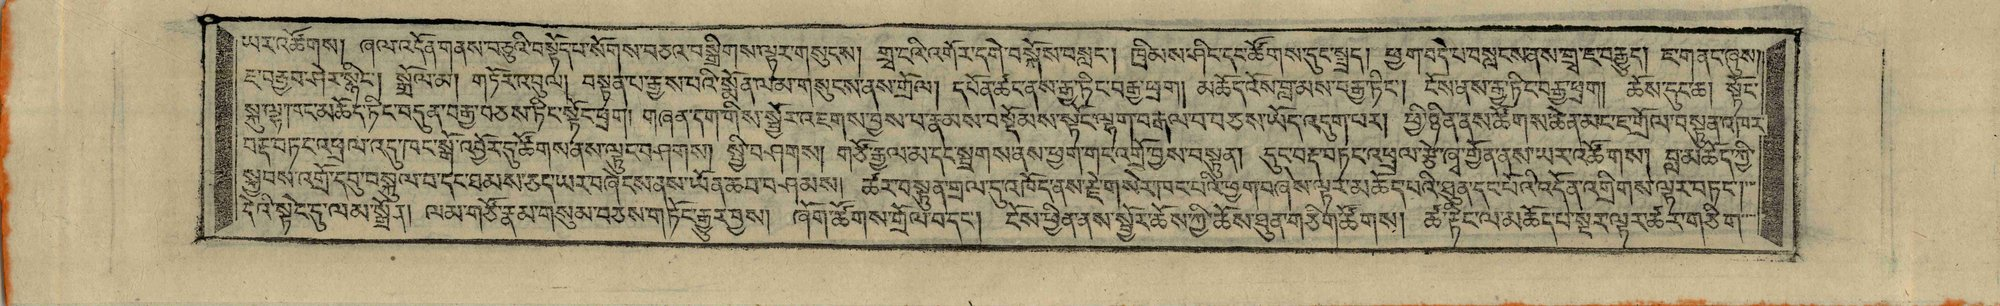ཡར་འཚོགས། ཞལ་འདོན་གནས་བཅུའི་བསྟོད་པ་སོགས་བཅའ་བསྒྲིགས་ལྟར་གསུངས། གྲྭ་ངའི་འགོར་དགེ་བསྐོས་བསླང་། ཁྲིམས་ཤིང་དང་ཚོགས་དུང་སྤྲད། ཕྱག་བདེ་པ་བསླངས་ནས་གྲྭ་ཇ་བརྒྱུད། ཇ་གནང་ཞུས།
ཇ་བརྒྱབ་ཤེར་སྙིང་། སྒྲོལ་མ། གཏོར་འབུལ། བསྟན་པ་རྒྱས་པའི་སྨོན་ལམ་གསུངས་ནས་གྲོལ། དཔོན་ཚང་ནས་རྒྱ་ཏིང་བརྒྱ་ཕྲག །མཆོད་འོས་བླ་མས་བརྒྱ་ཏིང་། ངོས་ནས་རྒྱ་ཏིང་བརྒྱ་ཕྲག །ཆོས་དུང་ཆ། སྟོང་
སྐུ་ལྷ་ཁང་མཆོད་ཏིང་བདུན་བརྒྱ་བཅས་ཏིང་སྟོང་ཕྲག ། གཞན་དག་གིས་སྦྱོར་འཇགས་བྱས་པ་རྣམས་བསྡོམས་སྟོང་ལྷག་བརྒལ་བ་བཅས་ཡོད་འདུག་པར། ཕྱི་ཉིན་ནས་ཚོགས་ཆེན་མང་ཇ་གྲོལ་བསྟུན་འཁར་
བརྡ་བཏང་འཕྲལ་འདུ་ཁང་སྒོ་འབྱོར་དུ་ཚོགས་ནས་ལྟུང་བཤགས། སྤྱི་བཤགས། གཙོ་རྒྱལ་མ་དང་སྦྲགས་ནས་ཕྱག་གང་འགྲོ་བྱས་བསྟུན། དུང་བརྡ་བཏང་འཕྲལ་རྩེ་ཞྭ་གྱོན་ནས་ཡར་འཚོགས། བླ་མཆོད་ཀྱི་
སྐྱབས་འགྲོ་དབུ་བསྐུལ་བ་དང་ཐམས་ཅད་ཡར་བཞེངས་ནས་ཡོན་ཆབ་བཤམས། ཚར་བསྟུན་གྲལ་དུ་འཁོད་ནས་རྗེ་གསེར་ཁང་པའི་ཕྱག་བཞེས་ལྟར་མཆོད་པའི་ཐུན་དང་པོའི་འདོན་འགྲིགས་ལྟར་བཏང་།
དེའི་སྟེང་དུ་ལམ་སྒྲོན། ལམ་གཙོ་རྣམ་གསུམ་བཅས་གཏོང་རྒྱུར་བྱས། ཞོག་ཚོགས་གྲོལ་བ་དང་། ངོས་ཕྱིན་ནས་སྦྱོར་ཆོས་ཀྱི་ཆོས་ཐུན་གཅིག་ཚོགས། ཚ་རྟིང་ལ་མཆོད་པ་སྔར་ལྟར་ཚར་གཅིག་